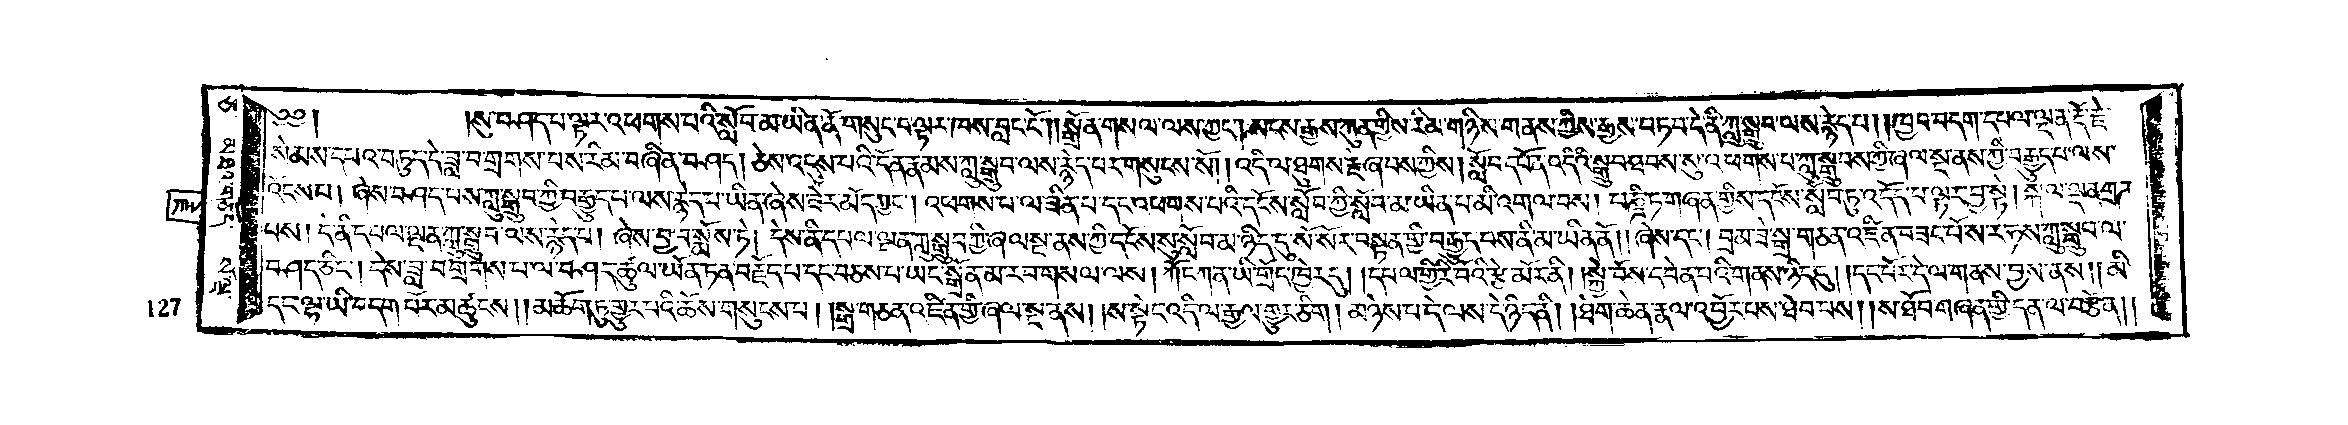༄༅། །སུ་བཤད་པ་ལྟར་འཕགས་པའི་སློབ་མ་ཡིན་ནོ་གསུང་བ་ལྟར་ཁས་བླང་ངོ། །སྒྲོན་གསལ་ལས་ཀྱང་། སངས་རྒྱས་ཀུན་གྱིས་རིམ་གཉིས་གནས་ཀྱིས་རྒྱས་བཏབ་དེ་ནི་ཀླུ་སྒྲུབ་ལས་རྙེད་པ། །ཁྱབ་བདག་དཔལ་ལྡན་རྡོ་རྗེ་
སེམས་དཔའ་བཏུད་དེ་ཟླ་བ་གྲགས་པས་རིམ་བཞིན་བཤད། ཅེས་འདུས་པའི་དོན་རྣམས་ཀླུ་སྒྲུབ་ལས་རྙེད་པར་གསུངས་སོ། །འདི་ལ་ཐུགས་རྗེ་ཞབས་ཀྱིས། སློབ་དཔོན་འདིའི་སྒྲུབ་ཐབས་སུ་འཕགས་པ་ཀླུ་སྒྲུབས་ཀྱི་ཞལ་སྔ་ནས་ཀྱི་བརྒྱུད་པ་ལས་
འོངས་པ། ཞེས་བཤད་པས་ཀླུ་སྒྲུབ་ཀྱི་བརྒྱུད་པ་ལས་རྙེད་པ་ཡིན་ཞེས་ཟེར་མོད་ཀྱང་། འཕགས་པ་ལ་ཟིན་པ་དང་འཕགས་པའི་དངོས་སློབ་ཀྱི་སློབ་མ་ཡིན་པ་མི་འགལ་བས། པཎྜི་ཏ་གཞན་གྱིས་དངོས་སློབ་ཏུ་འདོད་པ་ལྟར་བྱ་སྟེ། སྐལ་ལྡན་གྲགས་
པས། དེ་ནི་དཔལ་ལྡན་ཀླུ་སྒྲུབ་ལས་རྙེད་པ། ཞེས་བྱ་བ་སྨོས་ཏེ། དེས་ནི་དཔལ་ལྡན་ཀླུ་སྒྲུབ་ཀྱི་ཞལ་སྔ་ནས་ཀྱི་དངོས་སུ་སློབ་མ་ཉིད་དུ་སོ་སོར་བསྟན་གྱི་བརྒྱུད་པས་ནི་མ་ཡིན་ནོ། །ཞེས་དང་། བྲམ་ཟེ་སྒྲ་གཅན་འཛིན་བཟང་པོ་ས་ར་ཧས་ཀླུ་སྒྲུབ་ལ་
བཤད་ཅིང་། དེས་ཟླ་བ་གྲགས་པ་ལ་བཤད་ཚུལ་ཡོན་ཏན་བརྗོད་པ་དང་བཅས་པ་ཡང་སྒྲོན་མ་རབ་གསལ་ལས། ཀོང་ཀ་ན་ཡི་གྲོང་ཁྱེར་དུ། །དཔལ་གྱི་རི་བོའི་རྩེ་མོར་ནི། །སྐྱེ་བོས་དབེན་པའི་གནས་ཉིད་དུ། །དང་པོར་དེ་ལ་གནས་བྱས་ནས། །མི་
དང་ལྷ་ཡི་བདག་པོར་མཚུངས། །མཆོག་ཏུ་གྱུར་པའི་ཆོས་གསུངས་པ། །སྒྲ་གཅན་འཛིན་གྱི་ཞལ་སྔ་ནས། །ས་སྟེང་འདི་ལ་རྒྱལ་གྱུར་ཅིག །མཉེས་པ་དེ་ལས་དེ་ཉིད་ནི། །ཐེག་ཆེན་རྣལ་འབྱོར་པས་ཐོབ་པས། །ས་ཐོབ་གཞན་གྱི་དོན་ལ་བརྩོན། །